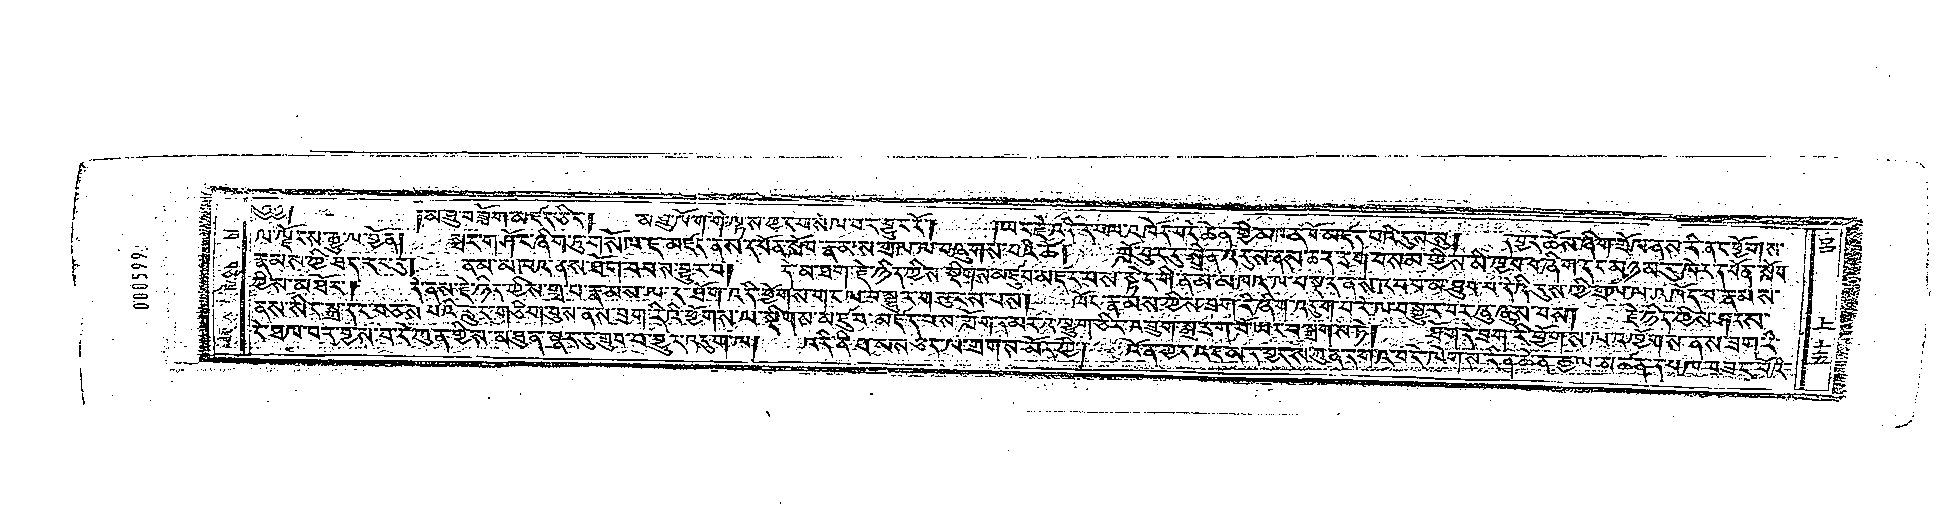༄༅། །མཐུ་བཟློག་མཛད་ཅིང་། མཐུ་ལོག་གི་ལྟས་ཀྱང་གསལ་བར་བྱུང་ངོ། །ཡང་རྗེ་འདི་དཔལ་འཁོར་བདེ་ཆེན་གྱི་མཁན་པོ་མཛད་པའི་དུས་སུ། དབྱར་ཆོས་ཞིག་གྲོལ་ནས་རི་ནང་ཕྱོགས་
ལ་ལྗོངས་རྒྱུ་ལ་བྱོན། སྤང་གཤོང་ཞིག་ཏུ་གསོལ་ཇ་མཛད་ནས་དཔོན་སློབ་རྣམས་གྲལ་ལ་བཞུགས་པའི་ཚེ། གློ་བུར་དུ་སྤྲིན་འདུས་ནས་ཆར་དྲག་བསམ་གྱིས་མི་ཁྱབ་པ་ཞིག་དང་མཉམ་དུ་ཁེང་དཔོན་སློབ་
རྣམས་ཀྱི་ཐད་རང་དུ། ནམ་མཁའ་ནས་ཐོག་བབས་བྱུང་བ། དེ་མ་ཐག་རྗེ་ཉིད་ཀྱིས་སྡིགས་མཛུབ་མཛད་པས་སྟེང་གི་ནམ་མཁའ་ལ་བསྡད་ནས་འབབ་མ་ཐུབ་པ་དེའི་དུས་ཀྱི་གྲལ་ལ་འཁོད་པ་རྣམས་
ཀྱིས་མཐོང་། དེ་ནས་རྗེ་ཉིད་ཀྱིས་གྲྭ་པ་རྣམས་ལ་ད་ཐོག་འདི་ཕྱོགས་གང་ལ་བསྒྱུར་གསུངས་པས། ཁོང་རྣམས་ཀྱིས་བྲག་རི་ཞིག་འདུག་པ་དེ་ལ་བསྒྱུར་བར་ཞུ་ཞུས་པས། རྗེ་ཉིད་ཀྱིས་ཤངས་
ནས་སིང་སྒྲ་དང་བཅས་པའི་རླུང་གཅིག་བུས་ནས་བྲག་རིའི་ཕྱོགས་ལ་སྡིགས་མཛུབ་མཛད་པས་གློག་དམར་འཁྱུག་ཅིང་འབྲུག་སྒྲ་དྲག་པོ་ཡང་བསྒྲགས་ཏེ། ཐོག་དེ་བྲག་རི་ཕྱོགས་ལ་འཁྱོགས་ནས་བྲག་རི་
དེ་ཐལ་བར་བྱས་བ་དེ་ཀུན་གྱིས་མཐུན་སྣང་དུ་གྲུབ་པ་བྱུང་འདུག་ལ། འདི་ནི་ཐམས་ཅད་ལ་གྲགས་མོད་ཀྱི། འོན་ཀྱང་འཇམ་དབྱངས་ཀུན་དགའ་བདེ་ལེགས་རིན་ཆེན་རྒྱལ་མཚན་དཔལ་བཟང་པོའི་